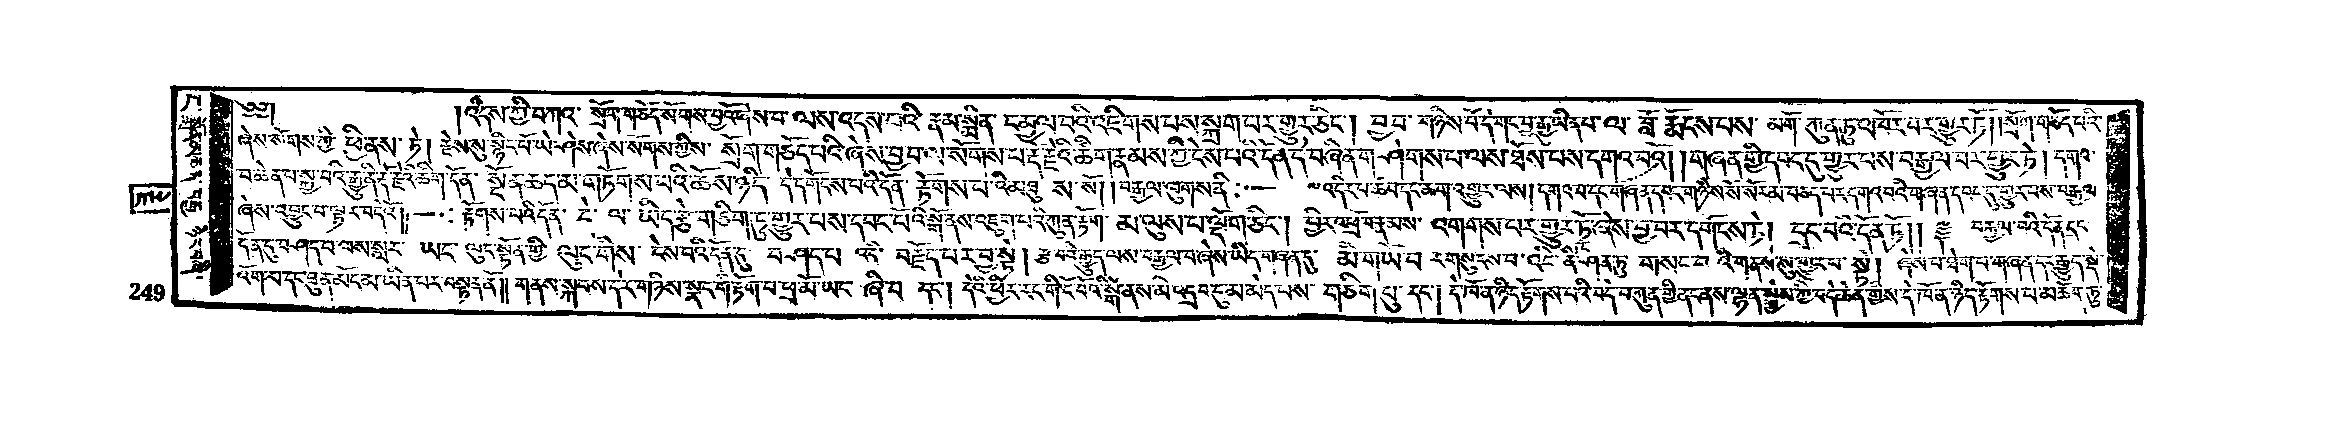༄༅། །འདས་ཀྱི་བཀའ་སྲོག་གཅོད་སོགས་བྱའོ་ཞེས་པ་ལས་འདས་པའི་རྣམ་སྨིན་དམྱལ་བའི་འཇིགས་པས་སྐྲག་པར་གྱུར་ཅིང་། བྱ་བ་གཉིས་པོ་དེ་གང་བྱ་རྒྱུ་ཡིན་པ་ལ་བློ་རྨོངས་པས་མགོ་ཀུན་ཏུ་འཁོར་བར་གྱུར་ཏོ། །སྲོག་གཅོད་པའི་
ཞེས་སོགས་ཀྱི་ཕྱི་ནས་ཏེ། རྗེས་སུ་སྙིང་པོ་ཡེ་ཤེས་ཞེས་སོགས་ཀྱིས་སྲོག་གཅོད་པའི་ཞེས་བྱ་བ་ལ་སོགས་པ་རྡོ་རྗེའི་ཚིག་རྣམས་ཀྱི་ངེས་པའི་དོན་དེ་བཞིན་གཤེགས་པ་ལས་ཐོས་པས་དགའ་བའོ། །གཞན་གྱི་དབང་དུ་གྱུར་པས་བརྒྱལ་བར་གྱུར་ཏེ། དགའ་
བ་ཆེན་པ་སྐྱེ་བའི་རྒྱུ་ནི་རྡོ་རྗེའི་ཚིག་དོན་སྔོན་ཆད་མ་གཏོགས་པའི་ཆོས་ཉིད་དེ་དགོངས་པའི་དོན་རྟོགས་པའི་མཐུས་སོ། །བརྒྱལ་ལུགས་ནི་༧་འདིར་པ་ཚབ་དང་ཆག་འགྱུར་ལས། དགའ་བ་དང་གཞན་དབང་གཉིས་སོ་སོར་མ་བཅད་པར་དགའ་བའི་གཞན་དབང་དུ་གྱུར་པས་བརྒྱལ་
ཞེས་འབྱུང་བ་ལྟར་བདེའོ།། .H རྟོགས་པའི་དོན་དེ་ལ་ཡིད་རྩེ་གཅིག་ཏུ་གྱུར་པས་དབང་པོའི་སྒོ་ནས་འཇུག་པའི་ཀུན་རྟོག་མ་ལུས་པ་ལྡོག་ཅིང་། ཕྱིར་འཕྲོ་བ་རྣམས་འགགས་པར་གྱུར་ཏོ་ཞེས་བྱ་བར་དགོངས་ཏེ། དྲང་བའི་དོན་ཏོ།། ༈ བརྒྱལ་བའི་དོན་དང་
དོན་དུ་བཤད་པ་ལས་སླར་ཡང་ལུང་སྟོན་གྱི་ལུང་གིས་ངེས་པའི་དོན་དུ་བཤད་པ་འདི་བརྗོད་པར་བྱ་སྟེ། རྩ་བའི་རྒྱུད་ལས་བརྒྱལ་བ་ཞེས་ཡིད་གཞན་དུ་མི་གཡོ་བར་གསུངས་པ་འདི་ནི་ཤིན་ཏུ་གསང་བའི་གནས་སུ་གྱུར་པ་སྟེ། ཞེས་པ་ཐེག་པ་གཞན་དང་རྒྱུད་སྡེ་
འོག་མ་དང་ཐུན་མོང་མ་ཡིན་པར་བསྟན་ནོ། །གནས་སྐབས་དེར་གཉིས་སྣང་གི་རྟོག་པ་ཕྲ་མོ་ཡང་ཞི་བ་དང་། དེའི་ཕྱིར་རང་གི་ངོ་བོའི་སྒོ་ནས་མི་འདྲ་བ་དུ་མ་མེད་པས་གཅིག་པུ་དང་། དེ་ཁོ་ན་ཉིད་རྟོགས་པའི་བདེ་བ་ཀུན་གྱི་ནང་ནས་ལྷན་སྐྱེས་ཀྱི་བདེ་ཆེན་གྱིས་དེ་ཁོ་ན་ཉིད་རྟོགས་པ་མཆོག་ཏུ་